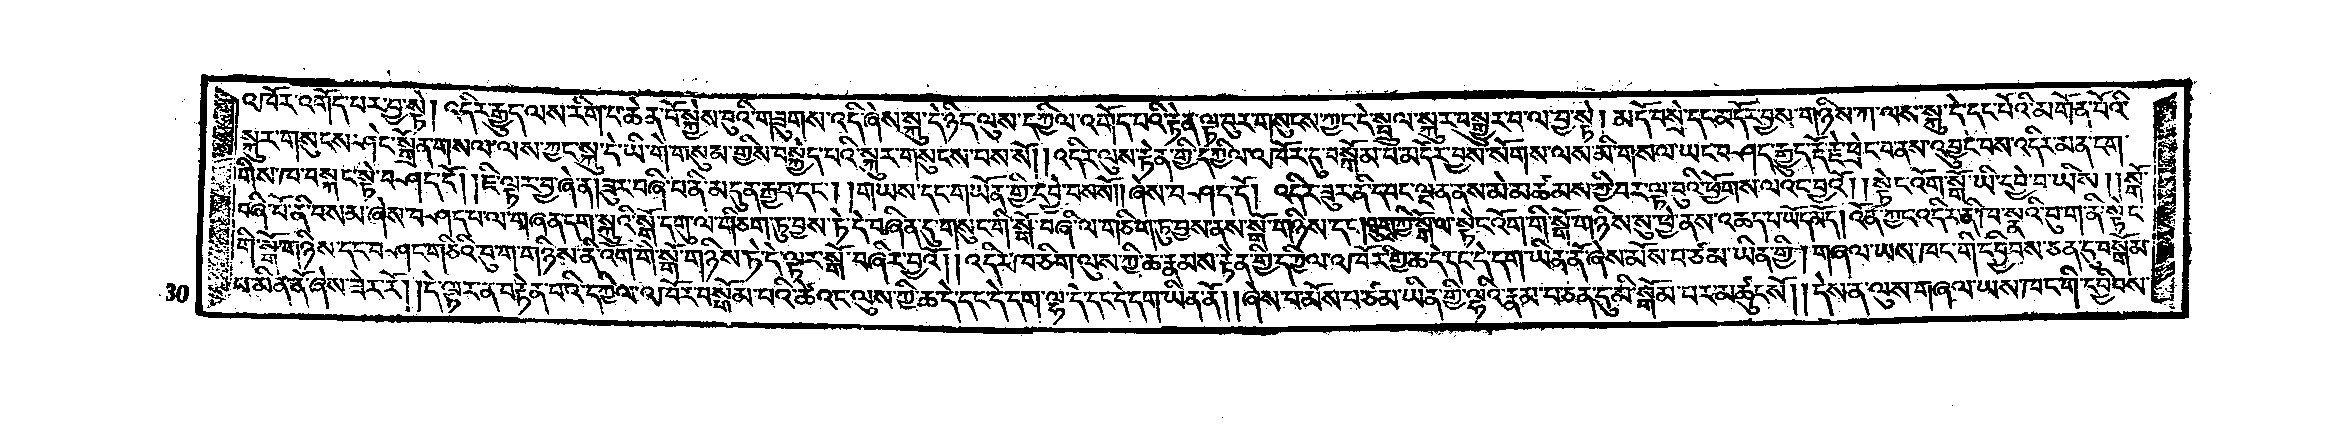འཁོར་འགོད་པར་བྱ་སྟེ། འདིར་རྒྱུད་ལས་རིག་པ་ཆེན་པོ་སྐྱེས་བུའི་གཟུགས་འདི་ཞེས་སྐུ་དེ་ཉིད་ལུས་དཀྱིལ་འགོད་པའི་རྟེན་ལྟ་བུར་གསུངས་ཀྱང་དེ་སྤྲུལ་སྐུར་བསྒྱུར་བ་ལ་བྱ་སྟེ། མདོ་བསྲེ་དང་མདོར་བྱས་གཉིས་ཀ་ལས་སྐུ་དེ་དང་པོའི་མགོན་པོའི་
སྐུར་གསུངས་ཤིང་སྒྲོན་གསལ་ལས་ཀྱང་སྐུ་དེ་ཡི་གེ་གསུམ་གྱིས་བསྐྱེད་པའི་སྐུར་གསུངས་པས་སོ། །འདིར་ལུས་རྟེན་གྱི་དཀྱིལ་འཁོར་དུ་བསྒོམ་པ་མདོར་བྱས་སོགས་ལས་མི་གསལ་ཡང་བཤད་རྒྱུད་རྡོ་རྗེ་ཕྲེང་བ་ནས་འབྱུང་བས་འདིར་མན་ངག་
གིས་ཁ་བསྐང་སྟེ་བཤད་དོ། །ཇི་ལྟར་བྱ་ཞེ་ན། ཟུར་བཞི་པ་ནི་མདུན་རྒྱབ་དང་། །གཡས་དང་གཡོན་གྱི་དབྱེ་བས་སོ། །ཞེས་བཤད་དོ། འདིར་ཟུར་ནི་དབང་ལྡན་ནས་མེ་མཚམས་ཀྱི་བར་ལྟ་བུའི་ཕྱོགས་ལའང་བྱའོ། །སྟེང་འོག་སྒོ་ཡི་དབྱེ་བ་ཡིས། །སྒོ་
བཞི་པོ་ནི་བསམ་ཞེས་བཤད་པ་ལ་གཞན་དག་སྐུའི་སྒོ་དགུ་ལ་གཅིག་ཏུ་བྱས་ཏེ་དེ་བཞིན་དུ་གསུང་གི་སྒོ་བཞི་ལ་གཅིག་ཏུ་བྱས་ནས་སྒོ་གཉིས་དང་། ཐུགས་ཀྱི་སྒོ་ལ་སྟེང་འོག་གི་སྒོ་གཉིས་སུ་ཕྱེ་ནས་འཆད་པ་ཡོད་མོད། འོན་ཀྱང་འདིར་ནི་ཁ་སྣའི་བུ་ག་ནི་སྟེང་
གི་སྒོ་གཉིས་དང་བཤད་གཅིའི་བུ་ག་གཉིས་ནི་འོག་གི་སྒོ་གཉིས་ཏེ་དེ་ལྟར་སྒོ་བཞིར་བྱའོ། །འདིར་ཁ་ཅིག་ལུས་ཀྱི་ཆ་རྣམས་རྟེན་གྱི་དཀྱིལ་འཁོར་གྱི་ཆ་དེ་དང་དེ་དག་ཡིན་ནོ་ཞེས་མོས་པ་ཙམ་ཡིན་གྱི། གཞལ་ཡས་ཁང་གི་དབྱིབས་ཅན་དུ་བསྒོམ་
པ་མིན་ནོ་ཞེས་ཟེར་རོ། །དེ་ལྟར་ན་བརྟེན་པའི་དཀྱིལ་འཁོར་བསྒོམ་པའི་ཚེའང་ལུས་ཀྱི་ཆ་དེ་དང་དེ་དག་ལྷ་དེ་དང་དེ་དག་ཡིན་ནོ། །ཞེས་པ་མོས་པ་ཙམ་ཡིན་གྱི་ལྷའི་རྣམ་པ་ཅན་དུ་མི་སྒོམ་པར་མཚུངས་སོ། །དེས་ན་ལུས་གཞལ་ཡས་ཁང་གི་དབྱིབས་